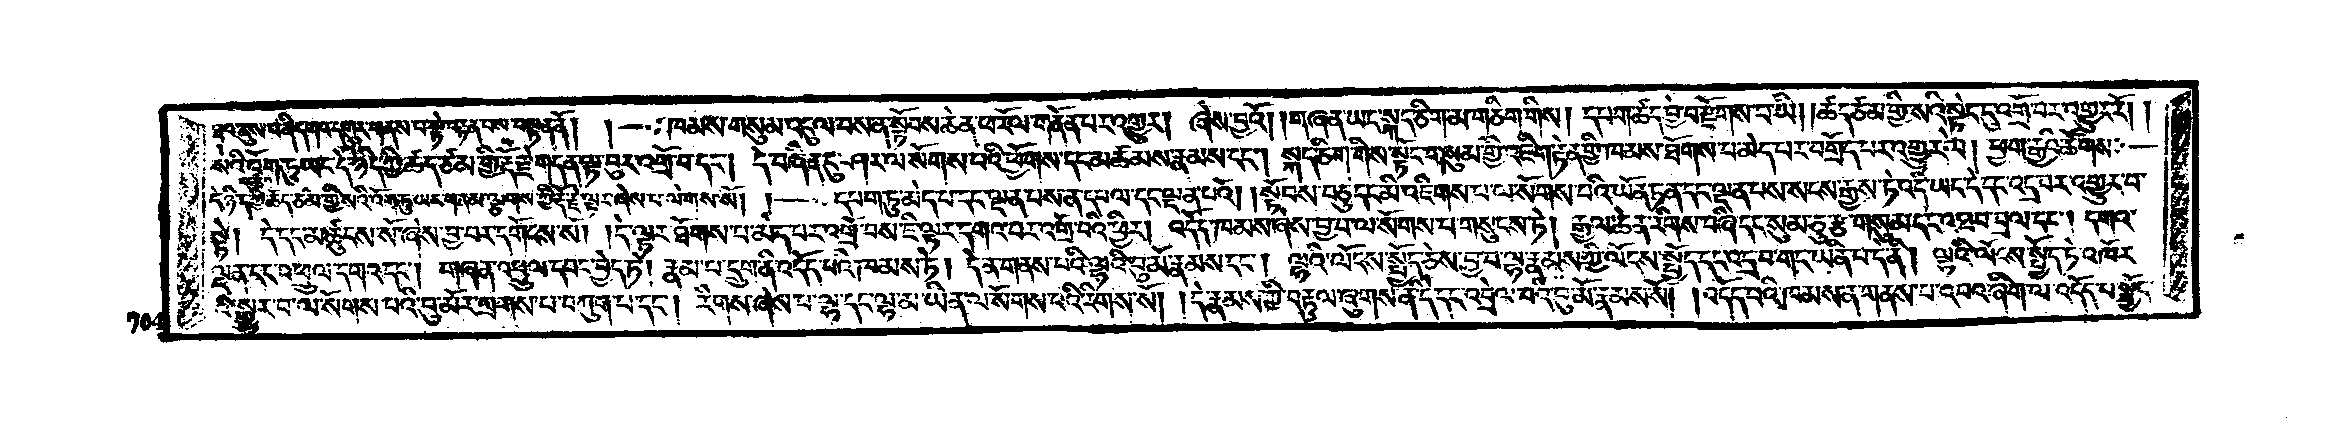ཐོབ་ནུས་པ་ནི་དགའ་དགུར་གནས་པ་སྟེ་བརྟན་པས་བསྟན་ན། ། .Hཁམས་གསུམ་འདུལ་བས་ན་སྟོབས་ཆེན་ཕ་རོལ་གནོན་པར་འགྱུར། ཞེས་བྱའོ། །གཞན་ཡང་སྐད་ཅིག་མ་གཅིག་གིས། དཔག་ཚད་བྱེ་བ་རྫོགས་པ་ཡི། །ཚད་ཙམ་གྱི་སའི་སྟེང་དུ་འགྲོ་བར་འགྱུར་རོ། །
སའི་འོག་ཏུ་ཡང་དེ་ཀ་ཉིད་ཀྱི་ཚད་ཙམ་གྱི་རྡོ་རྗེ་གདན་ལྟ་བུར་འགྲོ་བ་དང་། དེ་བཞིན་དུ་ཤར་ལ་སོགས་པའི་ཕྱོགས་དང་མཚམས་རྣམས་དང་། སྐད་ཅིག་གིས་སྟོང་གསུམ་གྱི་འཇིག་རྟེན་གྱི་ཁམས་ཐོགས་པ་མེད་པར་བགྲོད་པར་འགྱུར་ལ། ཕྱག་རྒྱའི་ཚོགས་H.
དེ་ཉིད་ཀྱི་ཚད་ཙམ་གྱི་སའི་འོག་ཏུ་ཡང་གནམ་ལྕགས་ཀྱི་རྡོ་རྗེ་ལྟར་ཞེས་པ་ལེགས་སོ། །དཔག་ཏུ་མེད་པ་དང་ལྡན་པས་ན་དཔལ་དང་ལྡན་པའོ། །སྟོབས་བཅུ་དང་མི་འཇིགས་པ་ལ་སོགས་པའི་ཡོན་ཏན་དང་ལྡན་པས་སངས་རྒྱས་ཏེ་འདི་ཡང་དེ་དང་འདྲ་བར་འགྱུར་བ་
སྟེ། དེ་དང་མཚུངས་སོ་ཞེས་བྱ་བར་དགོངས་སོ། །དེ་ལྟར་ཐོགས་པ་མེད་པར་འགྲོ་བས་ཇི་ལྟར་དགའ་བར་འགྲོ་བའི་ཕྱིར། འདོད་ཁམས་ཞེས་བྱ་བ་ལ་སོགས་པ་གསུངས་ཏེ། རྒྱལ་ཆེན་རིགས་བཞི་དང་སུམ་ཅུ་རྩ་གསུམ་དང་འཐབ་བྲལ་དང་། དགའ་
ལྡན་དང་འཕྲུལ་དགའ་དང་། གཞན་འཕྲུལ་དབང་བྱེད་ཏེ། རྣམ་པ་དྲུག་ནི་འདོད་པའི་ཁམས་ཏེ། དེ་ན་གནས་པའི་ལྷའི་བུ་མོ་རྣམས་དང་། ལྷའི་ལོངས་སྤྱོད་ཅེས་བྱ་བ་ལྷ་རྣམས་ཀྱི་ལོངས་སྤྱོད་དང་འདྲ་བ་གང་ཡིན་པ་དེ་ནི། ལྷའི་ལོངས་སྤྱོད་ཏེ་འཁོར་
ལོ་སྒྱུར་བ་ལ་སོགས་པའི་བུ་མོར་གྲགས་པ་བཀུག་པ་དང་། རིགས་ཞེས་པ་ལྷ་དང་ལྷ་མ་ཡིན་ལ་སོགས་པའི་རིགས་སོ། །དེ་རྣམས་ཀྱི་བརྟུལ་ཞུགས་ནི་དེ་དང་འབྲེལ་བའི་བུ་མོ་རྣམས་སོ། །འདོད་པའི་ཁམས་ན་གནས་པ་འབའ་ཞིག་ལ་འདོད་པ་སྤྱོད་